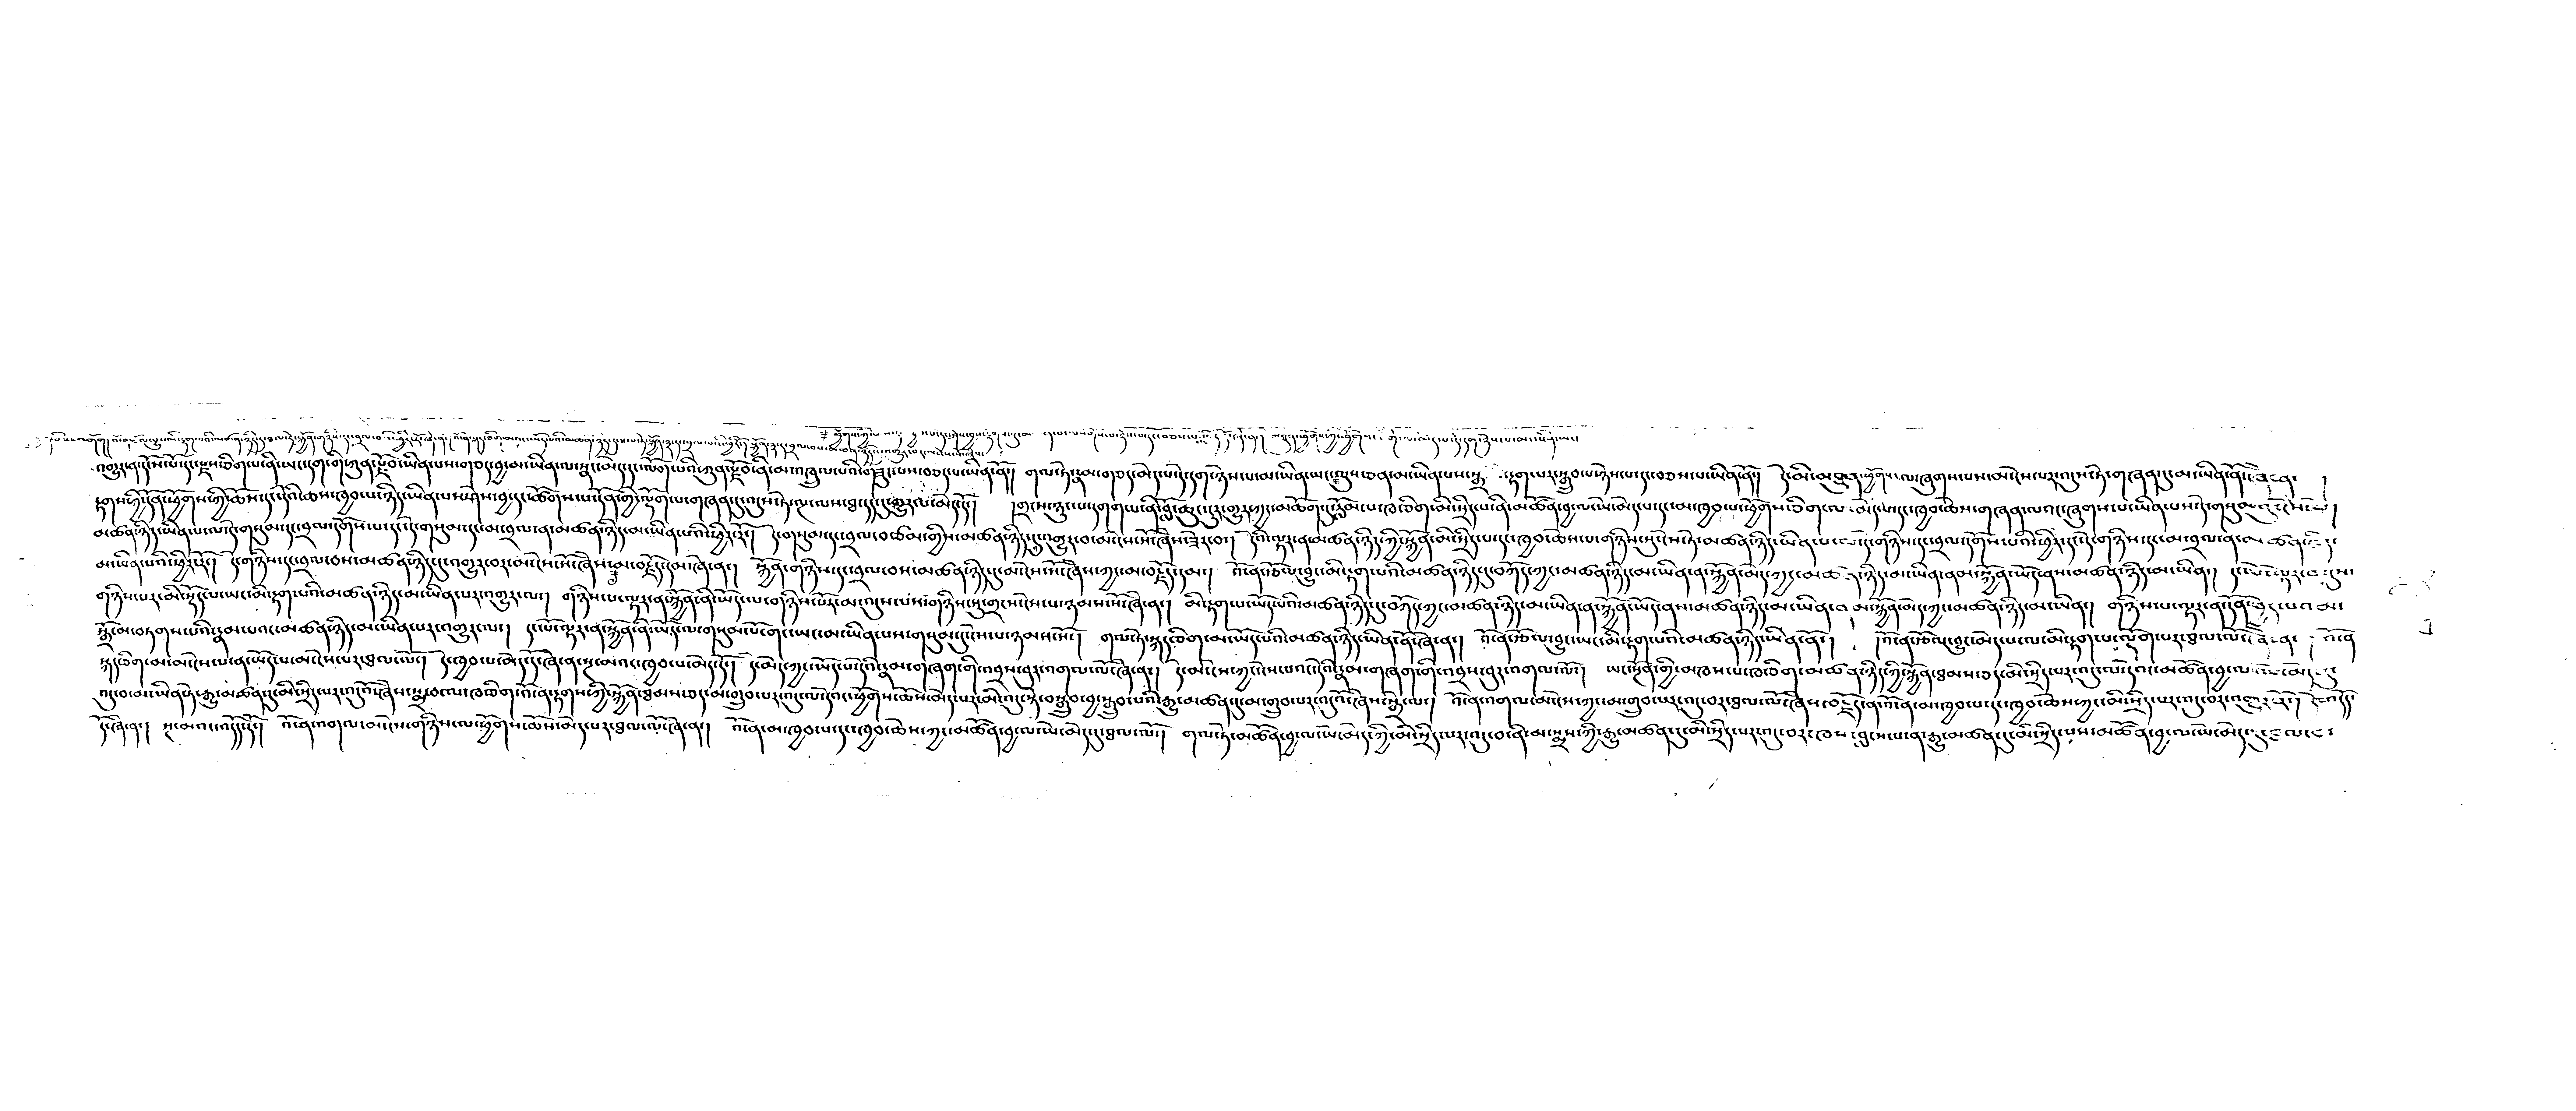ཨིཨི་འགྱུར་ན་དངོས་པོ་དང་རྫས་ཅིག་པ་ནི་ཡང་དག་གི་ཀུན་རྫོབ་ཡིན་པས་གཅད་བྱ་མ་ཡིན་ལ་སྣང་མེད་དང་ལོག་པའི་ཀུན་རྫོབ་ནི་མ་འཁྲུལ་པའི་གཟུང་པས་བཅད་པ་ཡིན་ནོ། གལ་ཏེ་རྣམ་གཅད་མེད་པ་དེ་དག་ཉེས་པ་མ་ཡིན་ཡང་ལུས་ཅན་མ་ཡིན་པས་སྒྲའི་རྟག་པར་སྒྲུབ་པ་ཉེས་པ་དང་བཅས་པ་ཡིན་ནོ། དེ་མི་མཐུན་ཕྱོགས་ལ་ཞུགས་པས་མ་ངེས་པར་འདུས་ཏེ་གཞན་དུ་མ་ཡིན་ནོ་ཞེ་ན།
རྟགས་ཀྱི་དོན་ཕྱོགས་ཀྱི་ཆོས་དང་དེའི་ཆས་ཁྱབ་པ་ཉིད་ཡིན་པས་ཤེས་བྱ་དང་ཚོགས་པ་དོན་གྱི་ལྡོག་པ་གཞན་དུ་འདུས་ཏེ་ལྔ་ལས་ཐ་དད་དུ་གྱུར་པ་མེད་དོ། །གྲངས་ཉུང་པ་དགག་པ་ནི་བློ་ཆུང་ངུར་གྱུར་ཀྱང་མཆོག་དུ་རློམ་པ་ཁ་ཅིག་མི་སྲིད་པ་ནི་མཚོན་བྱ་ལ་ཡེ་མེད་པ་དང་མ་ཁྱབ་པ་ཕྱོགས་ཅིག་ལ་མེད་པ་དང་ཁྱབ་ཆེས་གཞན་ལའང་ཞུགས་པ་ཡིན་པས་དེ་གསུམ་དུ་ངེས་པ།
མཚན་ཉིད་ཡིན་པ་ལ་དེ་གསུམ་དང་བྲལ་དགོས་པ་དང་དེ་གསུམ་དང་མ་བྲལ་ན་མཚན་ཉིད་མ་ཡིན་པའི་ཕྱིར་རོ། དེ་གསུམ་དང་བྲལ་བ་ཙམ་གྱིས་མཚན་ཉིད་དུ་འགྱུར་བ་མ་ངེས་སོ་ཞེས་ཟེར་བ། དེའི་ལྟར་ན་མཚན་ཉིད་ཀྱི་སྐྱོན་མི་སྲིད་པ་དང་ཁྱབ་ཆེས་པ་གཉིས་སུ་ངེས་ཏེ་མཚན་ཉིད་ཡིན་པ་ལ་དེ་གཉིས་དང་བྲལ་དགོས་པའི་ཕྱིར་དང་དེ་གཉིས་དང་མ་བྲལ་ན་མཚན་ཉིད་
མ་ཡིན་པའི་ཕྱིར་རོ། དེ་གཉིས་དང་བྲལ་བས་མཚན་ཉིད་དུ་འགྱུར་བར་མ་ངེས་སོ་ཞེས་མ་བརྗོད་དམ་ཞེ་ན། སྐྱོན་གཉིས་དང་བྲལ་བས་མཚན་ཉིད་དུ་མ་ངེས་སོ་ཞེས་ཀྱང་མ་བརྗོད་དམ། འོ་ན་རྩོལ་བྱུང་མི་རྟག་པའི་མཚན་ཉིད་དུ་བཀོད་ཀྱང་མཚན་ཉིད་མ་ཡིན་ན་སྐྱོན་མེད་ཀྱང་མཚན་ཉིད་མ་ཡིན་ནམ་སྐྱོན་ཡོད་ནས་མཚན་ཉིད་མ་ཡིན། དང་པོ་ལྟར་བ་དུས་
གཉིས་པར་མི་སྡོད་པ་ཡང་མི་རྟག་པའི་མཚན་ཉིད་མ་ཡིན་པར་འགྱུར་ལ། གཉིས་པ་ལྟར་ན་སྐྱོན་ནི་ཡོད་ལ་གཉིས་པོར་མ་འདུས་པས་གཉིས་སུ་གྲངས་ངེས་པ་ཉམས་སོ་ཞེ་ན། མི་རྟག་པ་ཡོད་པའི་མཚན་ཉིད་དུ་བཀོད་ཀྱང་མཚན་ཉིད་མ་ཡིན་ན་སྐྱོན་ཡོད་ནས་མཚན་ཉིད་མ་ཡིན་ནམ་སྐྱོན་མེད་ཀྱང་མཚན་ཉིད་མ་ཡིན། གཉིས་པ་ལྟར་ན་དོན་བྱེད་པའམ་
སྒྲོ་མ་བཏགས་པའི་རྣམ་པའང་མཚན་ཉིད་མ་ཡིན་པར་འགྱུར་ལ། དང་པོ་ལྟར་ན་སྐྱོན་ནི་ཡོད་ལ་གསུམ་པོ་གང་ཡང་མ་ཡིན་པས་གསུམ་དུ་ངེས་པ་ཉམས་སོ། གལ་ཏེ་སྐད་ཅིག་མ་ཡོད་པའི་མཚན་ཉིད་ཡིན་ནོ་ཞེ་ན། འོ་ན་རྩོལ་བྱུང་ཡང་མི་རྟག་པའི་མཚན་ཉིད་ཡིན་ནོ། །འོ་ན་རྩོལ་བྱུང་མེད་པ་ལ་མི་རྟག་པ་ལྡོག་པར་ཐལ་ལོ་ཞེ་ན། འོ་ན་
སྐད་ཅིག་མ་མ་ངེས་པ་ན་ཡོད་པ་མ་ངེས་པར་ཐལ་ལོ། དེ་ཁྱབ་པ་མེད་དོ་ཞེ་ན་སྔ་མའང་ཁྱབ་པ་མེད་དོ། དེ་མེད་ཀྱང་ཡོད་པ་དེའི་རྣམ་གཞག་གི་འབྲས་བུར་འགལ་ལོ་ཞེ་ན། དེ་མ་ངེས་ཀྱང་ངེས་པའང་དེའི་རྣམ་གཞག་གི་འབྲས་བུར་འགལ་ལོ། ཡང་སྔོན་གྱི་མཁས་པ་ཁ་ཅིག་མཚན་ཉིད་ཀྱི་སྐྱོན་ཐམས་ཅད་མི་སྲིད་པར་འདུ་ལ་དེའང་མཚོན་བྱ་ལ་ཡེ་མེད་དུ་
འདུ་བ་མ་ཡིན་ཏེ་རྒྱུ་མཚན་དུ་མི་སྲིད་པར་འདུའོ་ཞེས་སྨྲ་བ་ལ་ཁ་ཅིག་འོ་ན་རྟགས་ཀྱི་སྐྱོན་ཐམས་ཅད་མ་གྲུབ་པར་འདུ་ལ་དེའང་ཕྱོགས་ཆོས་མེད་པར་མི་འདུ་སྟེ་བསྒྲུབ་བྱ་སྒྲུབ་པའི་རྒྱུ་མཚན་དུ་མ་གྲུབ་པར་འདུའོ་ཞེས་སྒྲེ་ལ། འོ་ན་འགལ་མ་ངེས་ཀྱང་མ་གྲུབ་པར་འདུ་བར་ཐལ་ལོ་ཞེས་བརྗོད་ན་འོ་ན་མ་ཁྱབ་པ་དང་ཁྱབ་ཆེས་ཀྱང་མི་སྲིད་པར་འདུ་བར་འགྱུར་རོ། དེ་འདོད་
དོ་ཞེ་ན། སྔ་མའང་འདོད་དོ། འོ་ན་འགལ་མ་ངེས་གཉིས་ལ་ཕྱོགས་ཆོས་མེད་པར་ཐལ་ལོ་ཞེ་ན། འོ་ན་མ་ཁྱབ་པ་དང་ཁྱབ་ཆེས་ཀྱང་མཚོན་བྱ་ལ་ཡེ་མེད་དུ་ཐལ་ལོ། གལ་ཏེ་མཚོན་བྱ་ལ་ཡེ་མེད་ཀྱི་མི་སྲིད་པར་འདུ་བ་ནི་མ་སྨྲས་ཀྱི་རྒྱུ་མཚན་དུ་མི་སྲིད་པར་འདུ་བར་ཁས་བླངས་པ་ན་རྒྱུ་མཚན་དུ་མི་སྲིད་པས་མཚོན་བྱ་ལ་ཡེ་མེད་དུ་ཐལ་བ?